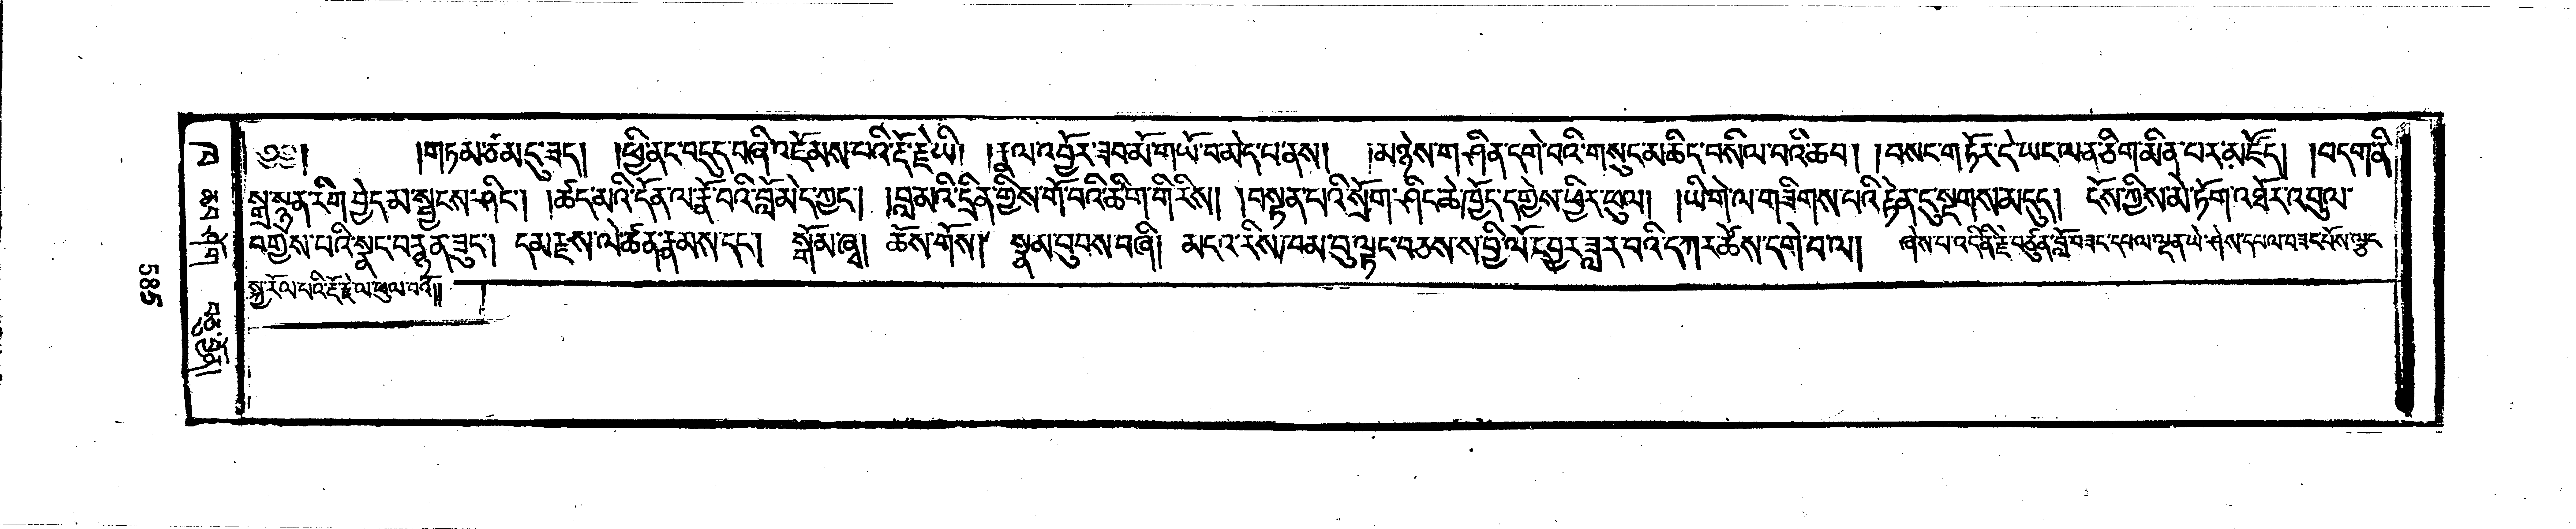༄༅། །གཏམ་ཙམ་དུ་ཟད། །ཕྱི་ནང་བདུད་བཞི་འཇོམས་པའི་རྡོ་རྗེ་ཡི། །རྣལ་འབྱོར་ཟབ་མོ་གཡོ་བ་མེད་པ་ནས། །མཉེས་གཤིན་དགེ་བའི་གསུང་མཆིད་བསིལ་བའི་ཆབ། །བསང་གཏོར་དེ་ཡང་ལན་ཅིག་མིན་པར་མཛོད། །བདག་ནི་
སྒྲ་སྙན་རིག་བྱེད་མ་སྦྱངས་ཤིང་། །ཚད་མའི་དོན་ལ་རྣོ་བའི་བློ་མེད་ཀྱང་། །བླ་མའི་དྲིན་གྱིས་གོ་བའི་ཚིག་གི་རིས། །བསྟན་བའི་སྲོག་ཤིང་ཆེ་ཁྱོད་དགྱེས་ཕྱིར་ཕུལ། །ཡི་གེ་ལ་གཟིགས་པའི་རྟེན་དུ་སྡགས་མདུད། ངོས་ཀྱིས་མེ་ཏོག་འཐོར་འབུལ་
བགྱེས་པའི་སྣང་བརྙན་ཟུང་། དམ་རྫས་ལེ་ཚན་རྣམས་དང་། སྒོམ་ཞྭ། ཆོས་གོས། །སྣམ་བུབས་བཞི། མདའ་རིས་ཁམ་བུ་ལྟང་བཅས་ས་བྱི་ལོ་དབྱར་ཟླར་བའི་དཀར་ཚེས་དགེ་བ་ལ། ཞེས་པ་འདི་ནི་རྗེ་བཙུན་བློ་བཟང་དཔལ་ལྡན་ཡེ་ཤེས་དཔལ་བཟང་བོས་ལྕང་
སྐྱ་རོལ་པའི་རྡོ་རྗེ་ལ་ཕུལ་བའོ།།